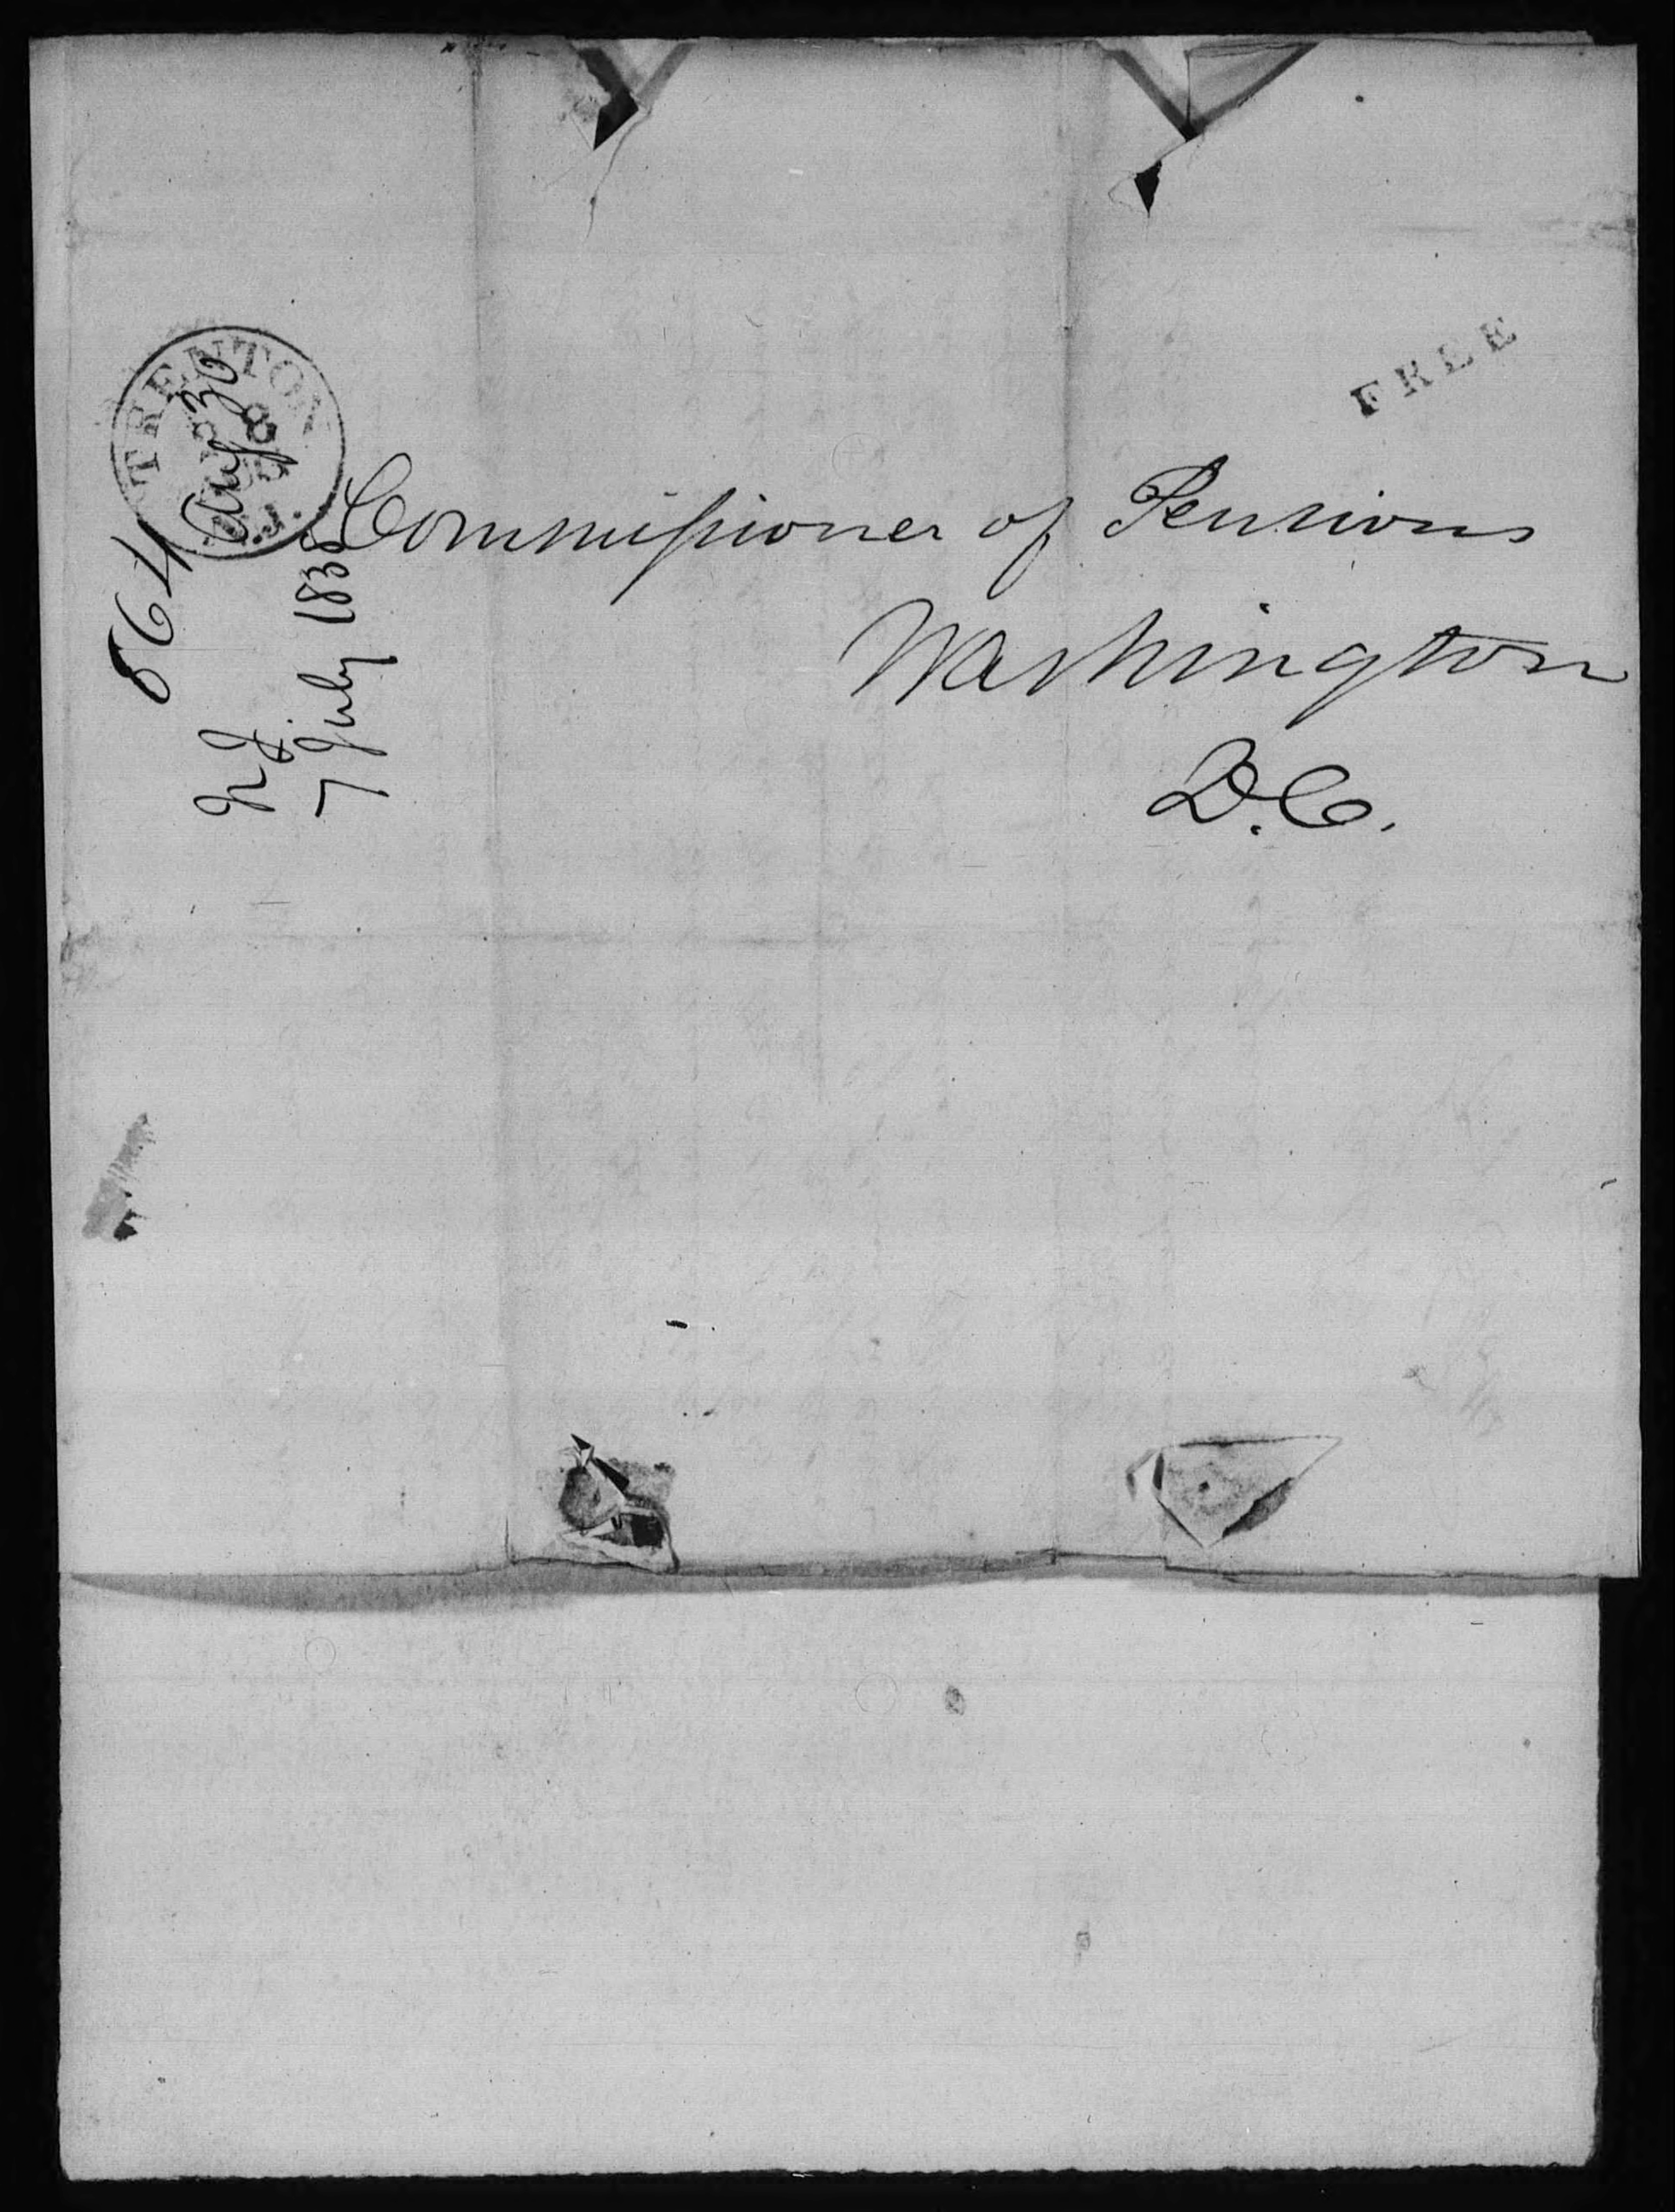[Official stamp: TRENTON N. J. 28 AUG]
FREE
Commissioner of Pensions
Washington
D. C. 
864
N. J. Aug 30 
7 July 1838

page: 18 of 20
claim: rejected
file: R. 4884, Benjamin Hendrickson, New Jersey